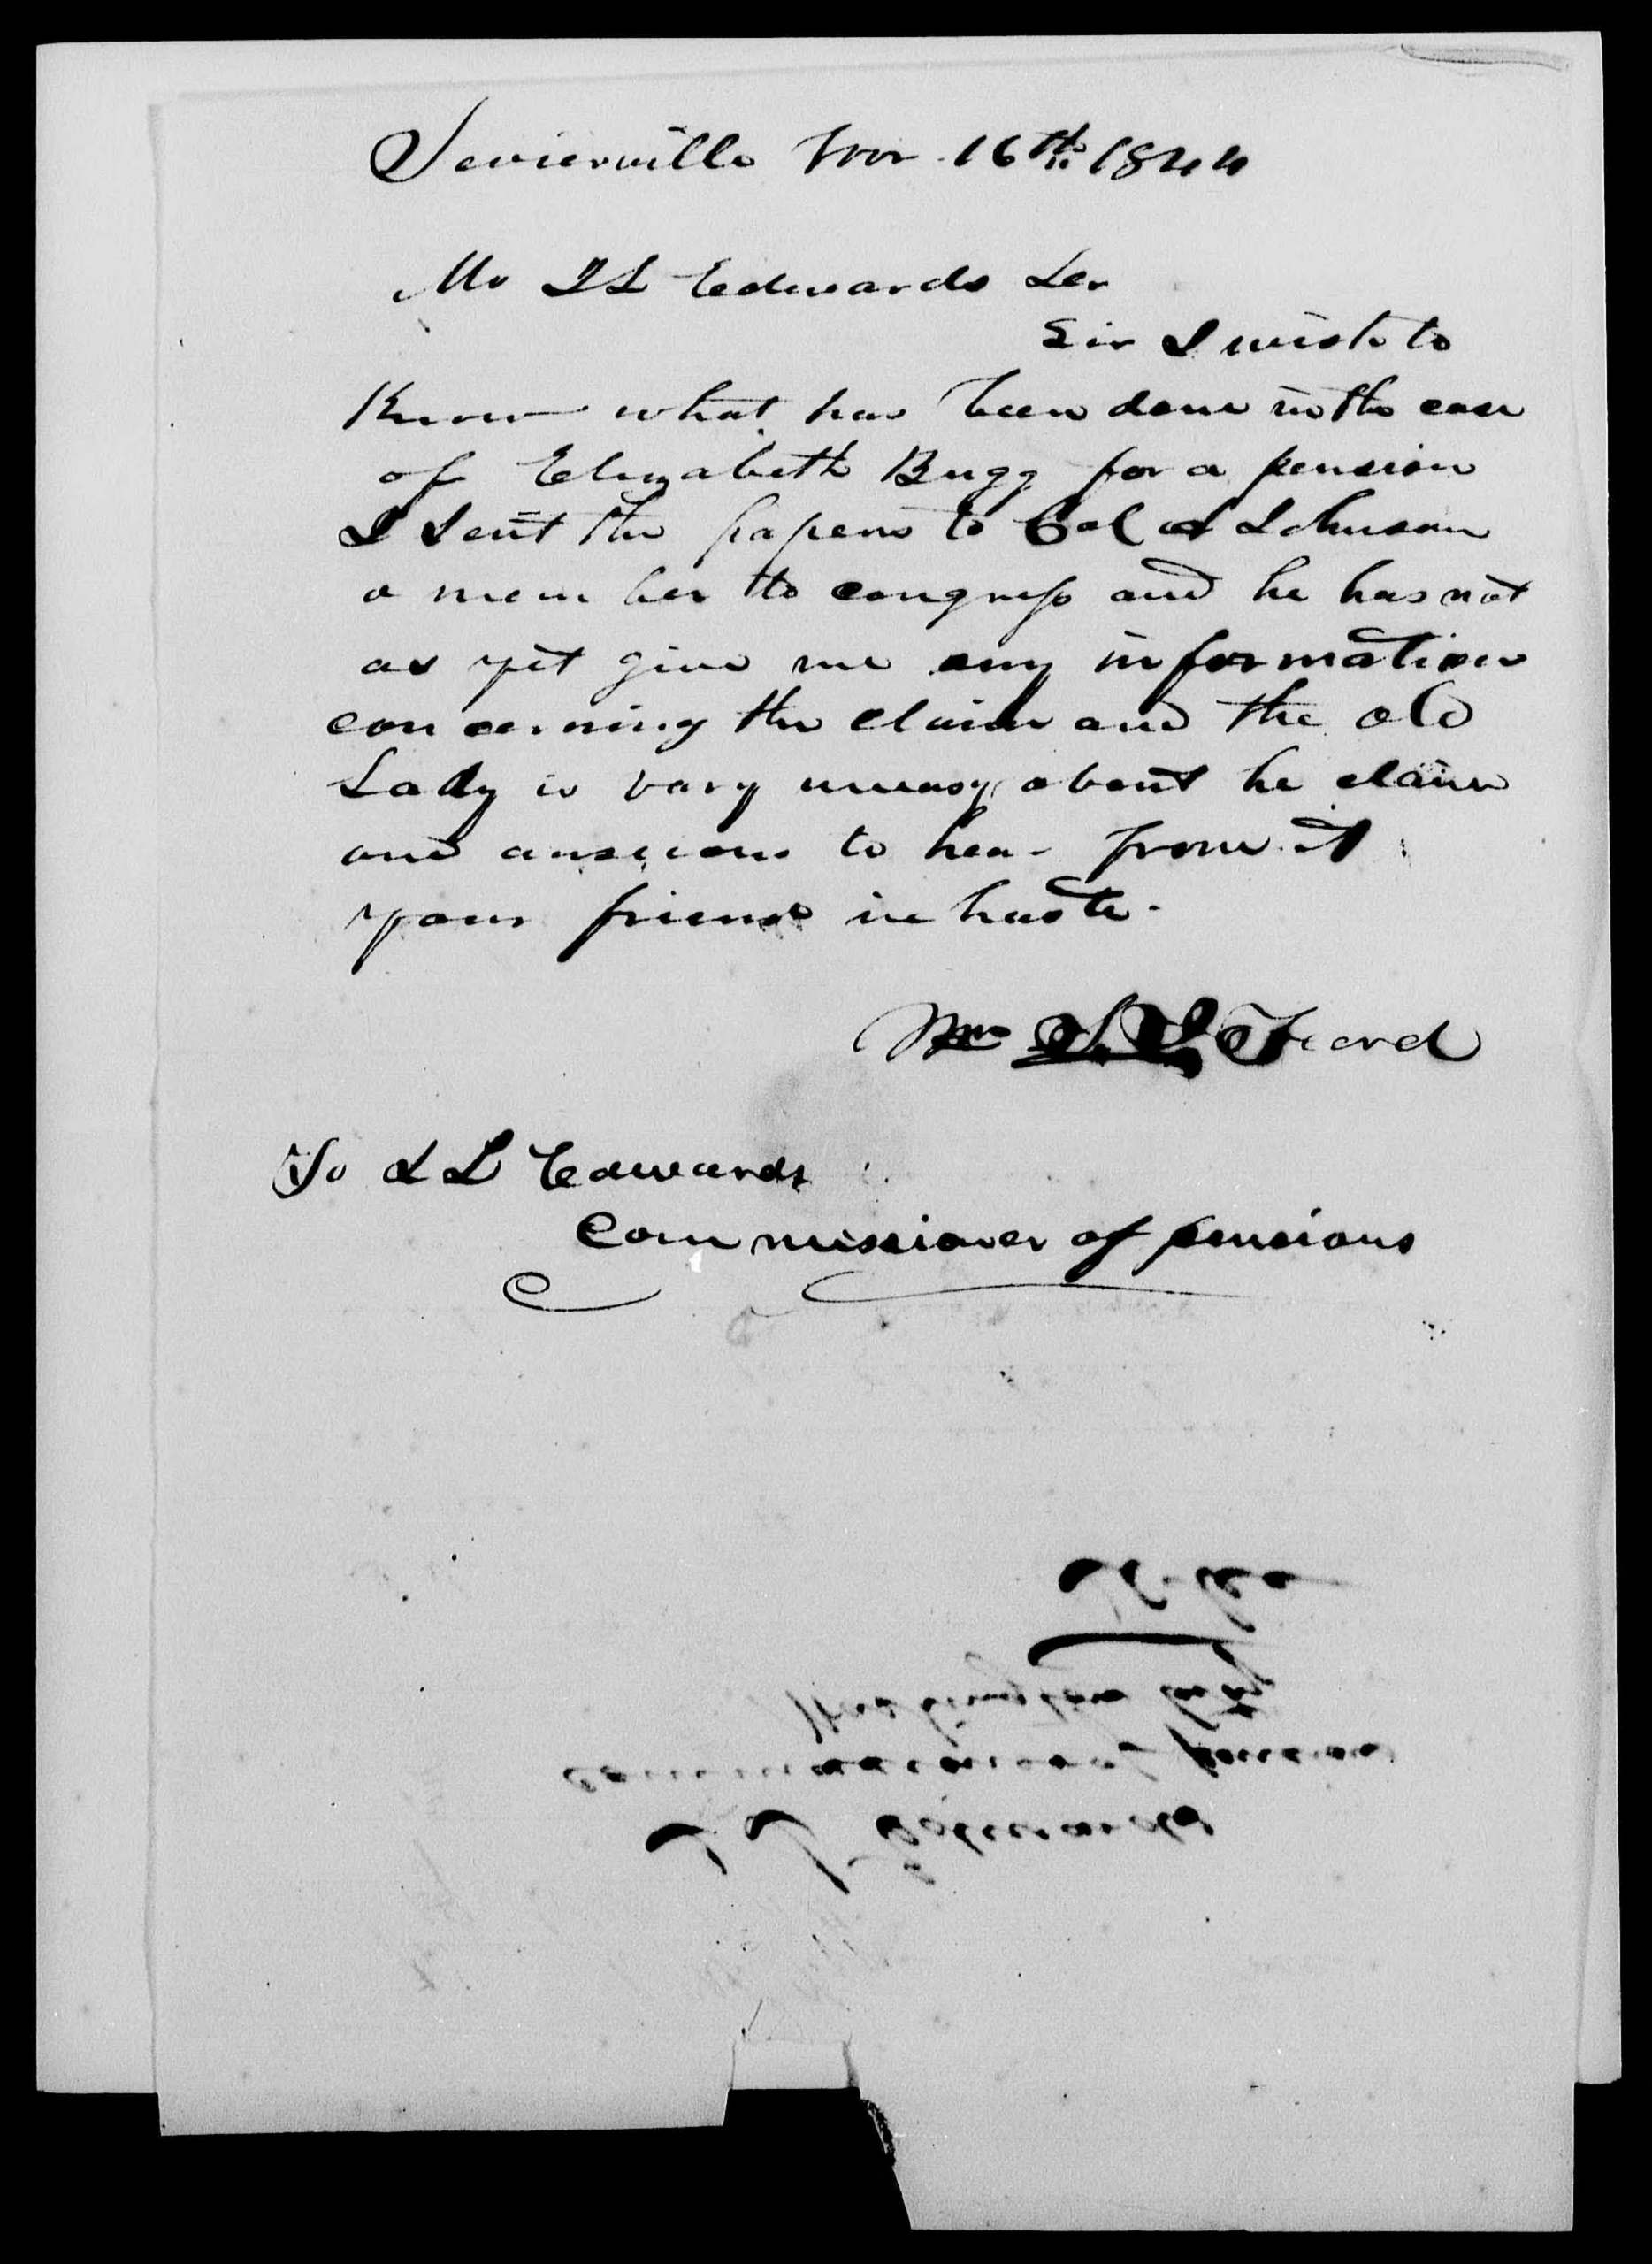Sevierville  [scrawled word, poss Nvr for November] 16.th 1844

Mr. J. L Edwards [illegible]
Sir I wish to Know what has been done in the case of Elizabeth Bugg for a pension  I Sent the papers to Col [illegible] Johnson a member to congress and he has not as yet give me any information concerning the claim and the old Lady is vary uneasy about he claim and anxious to hear from it  Your friend in haste. 
Wm S J [or S I or S L] Ford

To J L Edwards
Commissioner of pensions 

[Below are four lines of unreadable, upside down handwriting, where it appears dark ink has transferred through from the other side of the page.]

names: Elizabeth Bugg, Wm S J Ford, J L Edwards, A Johnson, J L Edwards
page: 27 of 50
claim: widow's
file: W. 898, William Bugg, N.C.